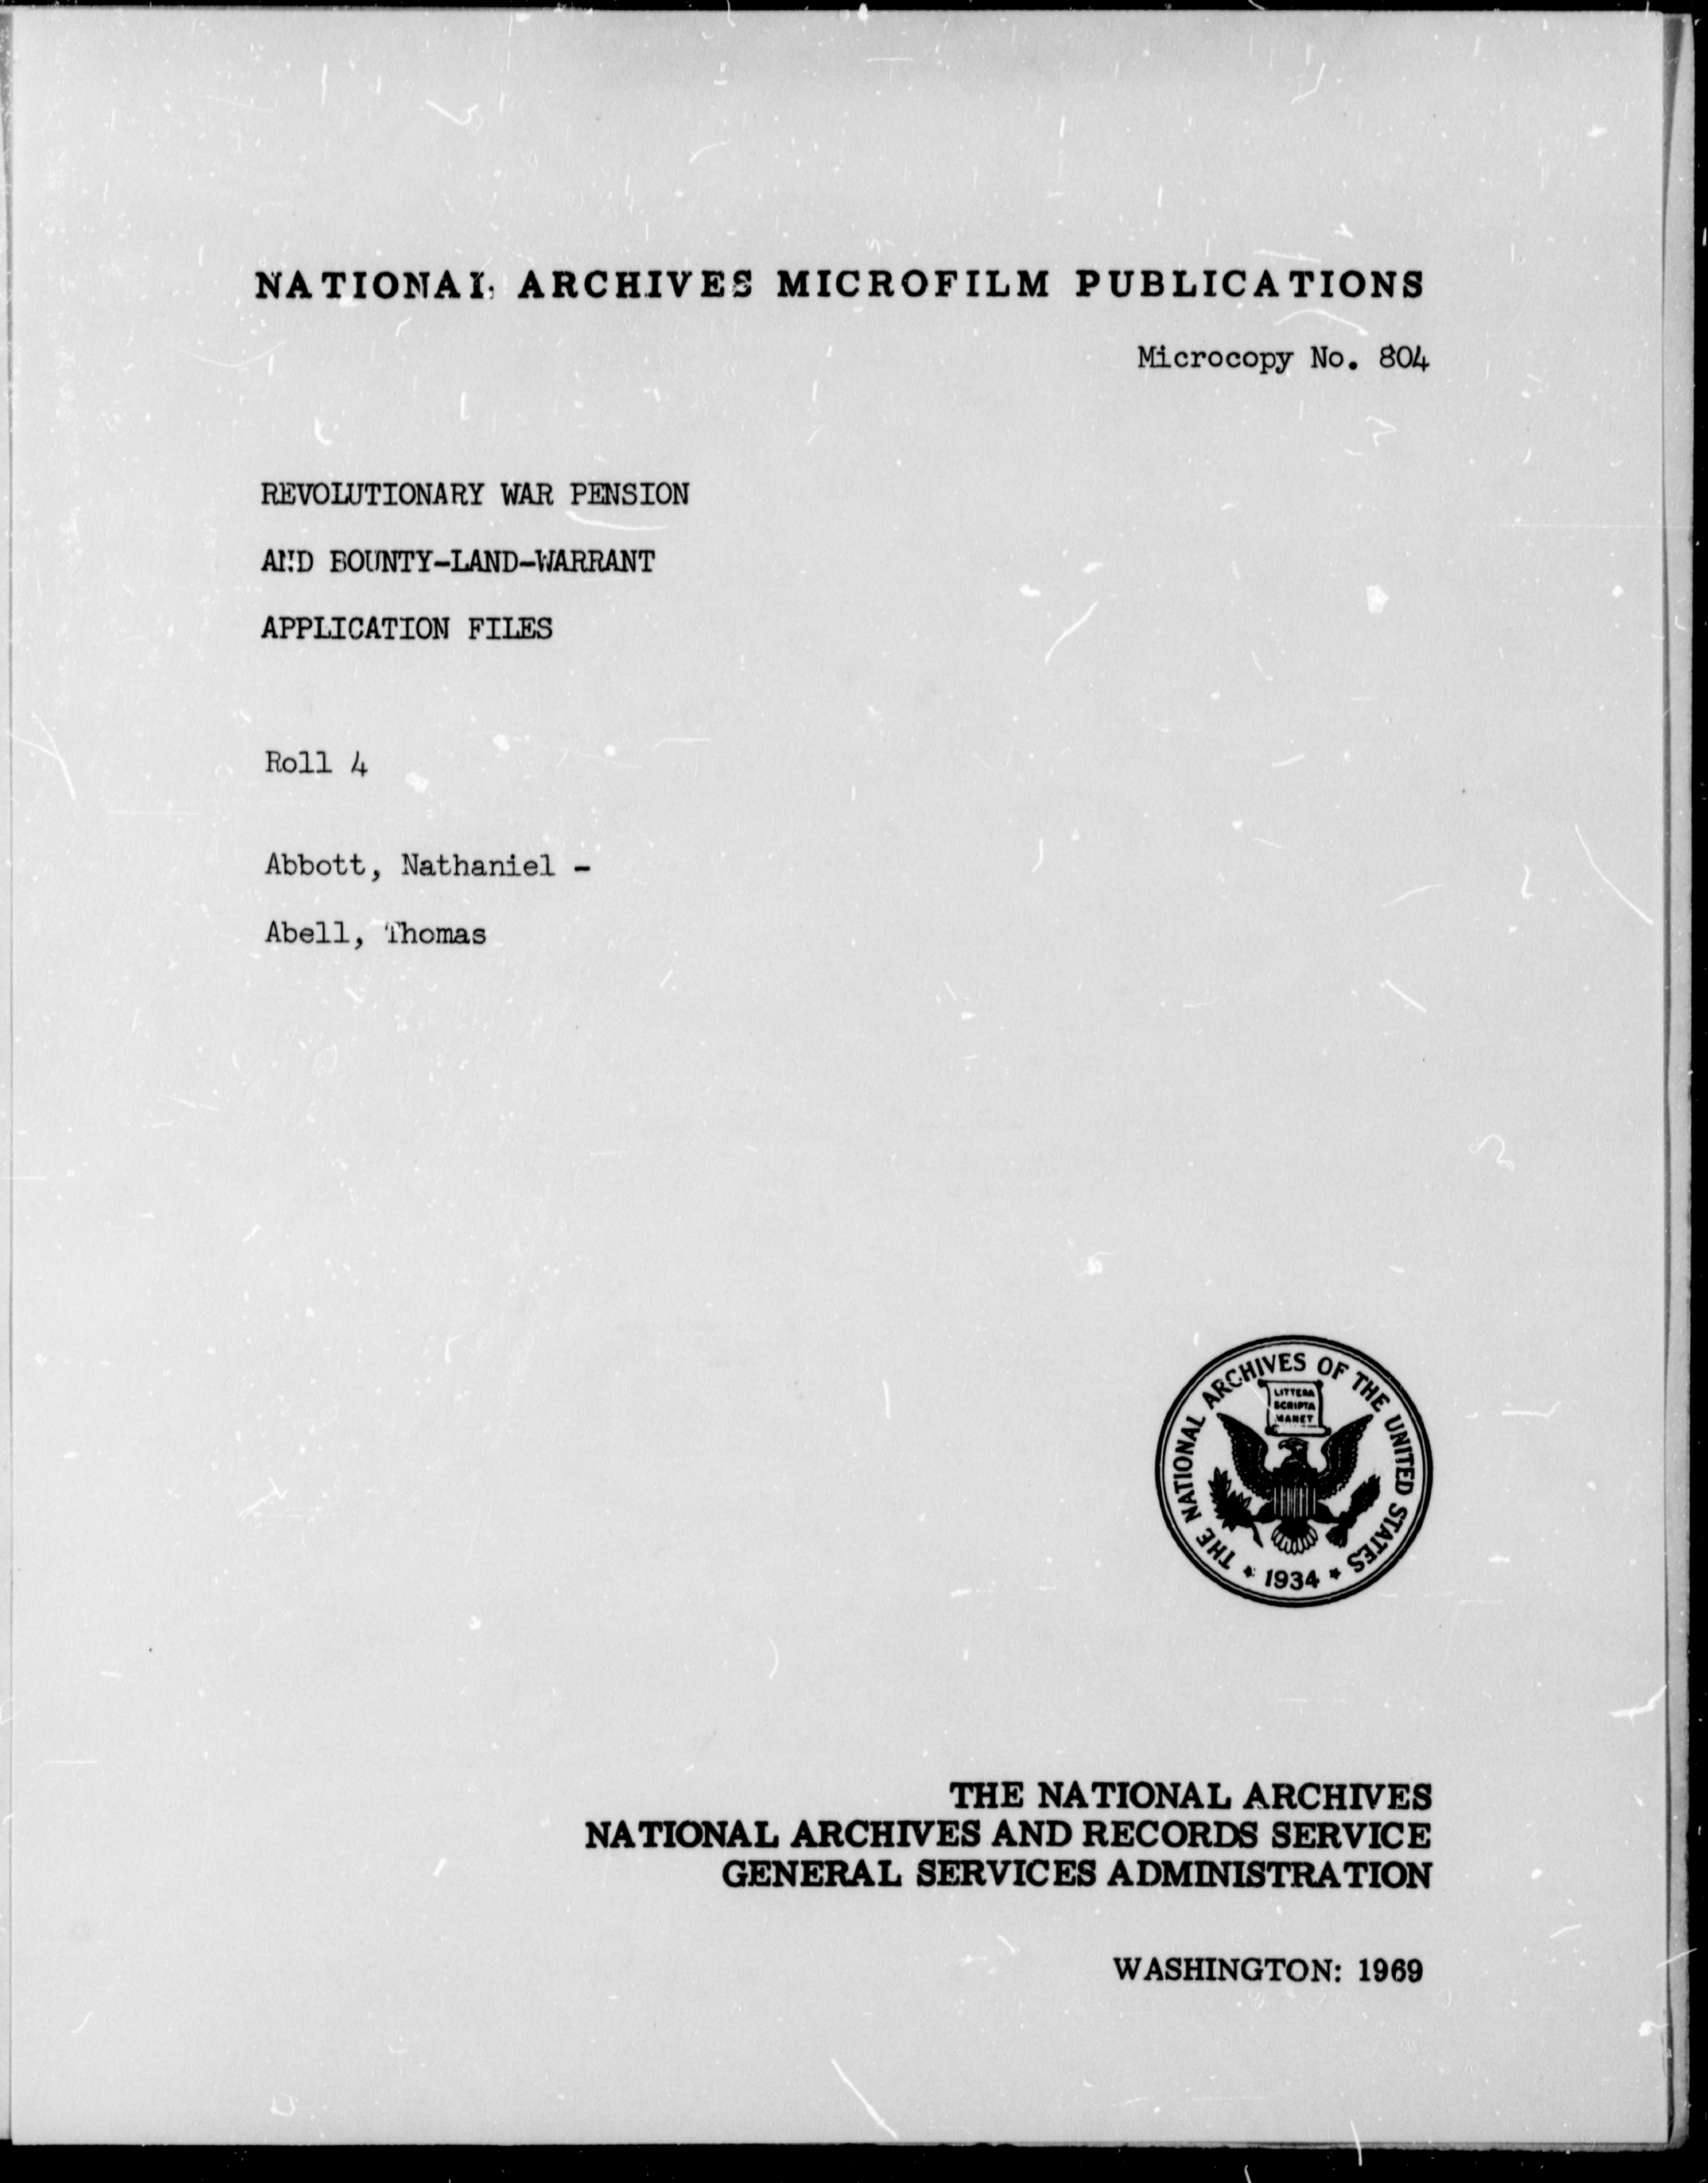NATIONAL ARCHIVES MICROFILM PUBLICATION
Microcopy No. 804

REVOLUTIONARY WAR PENSION
AND BOUNTY-LAND-WARRANT
APPLICATION FILES

Roll 4

Abbott, Nathaniel - Abell, Thomas

[Official Seal] THE NATIONAL ARCHIVES OF THE UNITED STATES 1934

THE NATIONAL ARCHIVES 
NATIONAL ARCHIVES AND RECORDS SERVICE
GENERAL SERVICES ADMINISTRATION

WASHINGTON: 1969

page: 1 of 61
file: Revolutionary War Pension and Bounty Land Warrant Application File